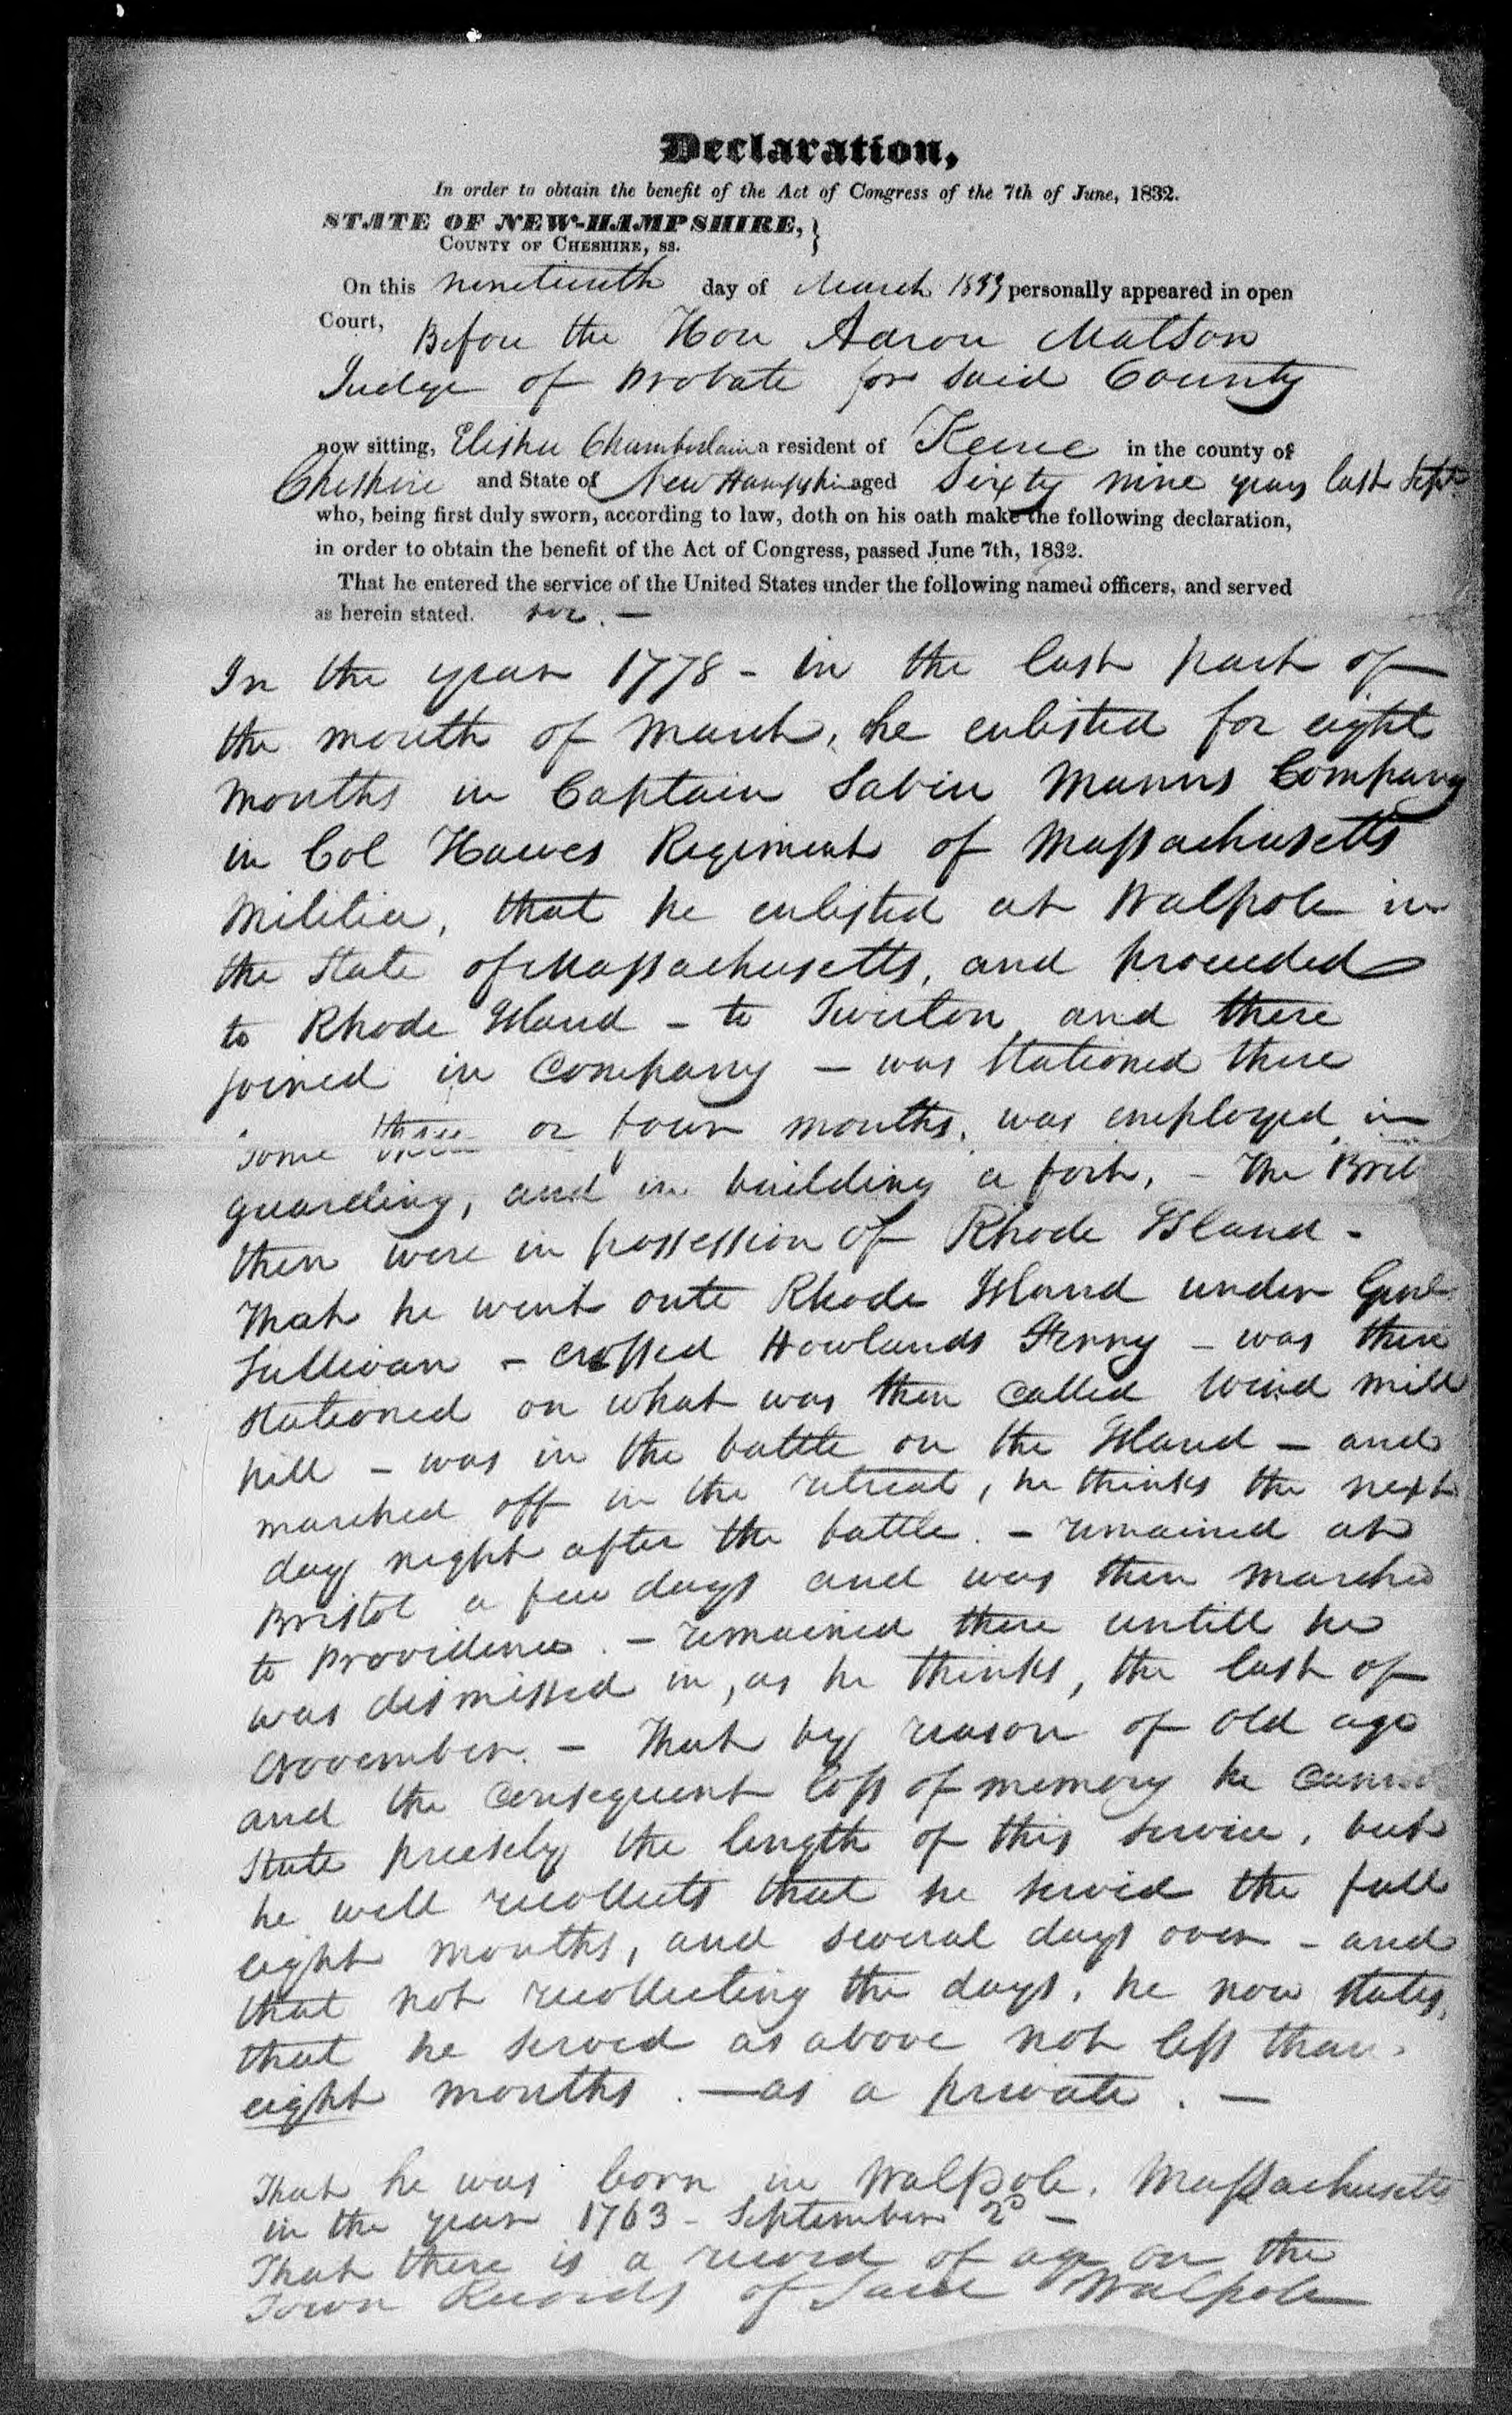Declaration,
In order to obtain the benefit of the Act of Congress of the 7th of June, 1832.
STATE OF NEW HAMPSHIRE,}
COUNTY OF CHESHIRE, SS.}
On this nineteenth day of March 1833 personally appeared in open Court, before the Hon. Aaron Matson Judge of Probate for said County now sitting, Elisha Chamberlain a resident of Keene in the county of Cheshire and State of New Hampshire aged Sixty nine years last September who, being first duly sworn, according to law, doth on his oath make the following declaration, in order to obtain the benefit of the Act of Congress, passed June 7th, 1832.
That he entered the service of the United States under the following named officers, and served as herein stated.
In the year 1778 - in the last part of the month of March, he enlisted for eight months in Captain Sabin Mann's Company in Col.(Benjamin) Hawes Regiment of Massachusetts Militia, that he enlisted at Walpole in the State of Massachusetts, and proceeded to Rhode Island - to Tiverton and there joined in Company - was stationed there some three or four months, was employed in guarding, and in building a fort - The Brits then were in possession of Rhode Island - Than (Then) he went out Rhode Island under Genl (General) Sullivan - crossed Howland's Ferry - was there stationed on what was then called Wind Mill Hill -  was in the battle on the Island - and marched off in the retreat, he thinks the next day right after the battle. - remained at Bristol a few days and was then marched to Providence. - remained there until he was dismissed in, as he thinks, the last of November. - That by reason of old age and the consequent loss of memory he cannot state precisely the length of this service, but he well recollects that he served the full eight months, and several days over - and that not recollecting the days, he now states that he served as above not less than eight months - as a private, -
That he was born in Walpole, Massachusetts in the year 1763 - September 20 - 
That there is a record of age on the town records of said Walpole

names: Sullivan, Elisha Chamberlain, Aaron Matson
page: 3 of 24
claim: rejected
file: R. 1835, Elisha Chamberlain, Mass.